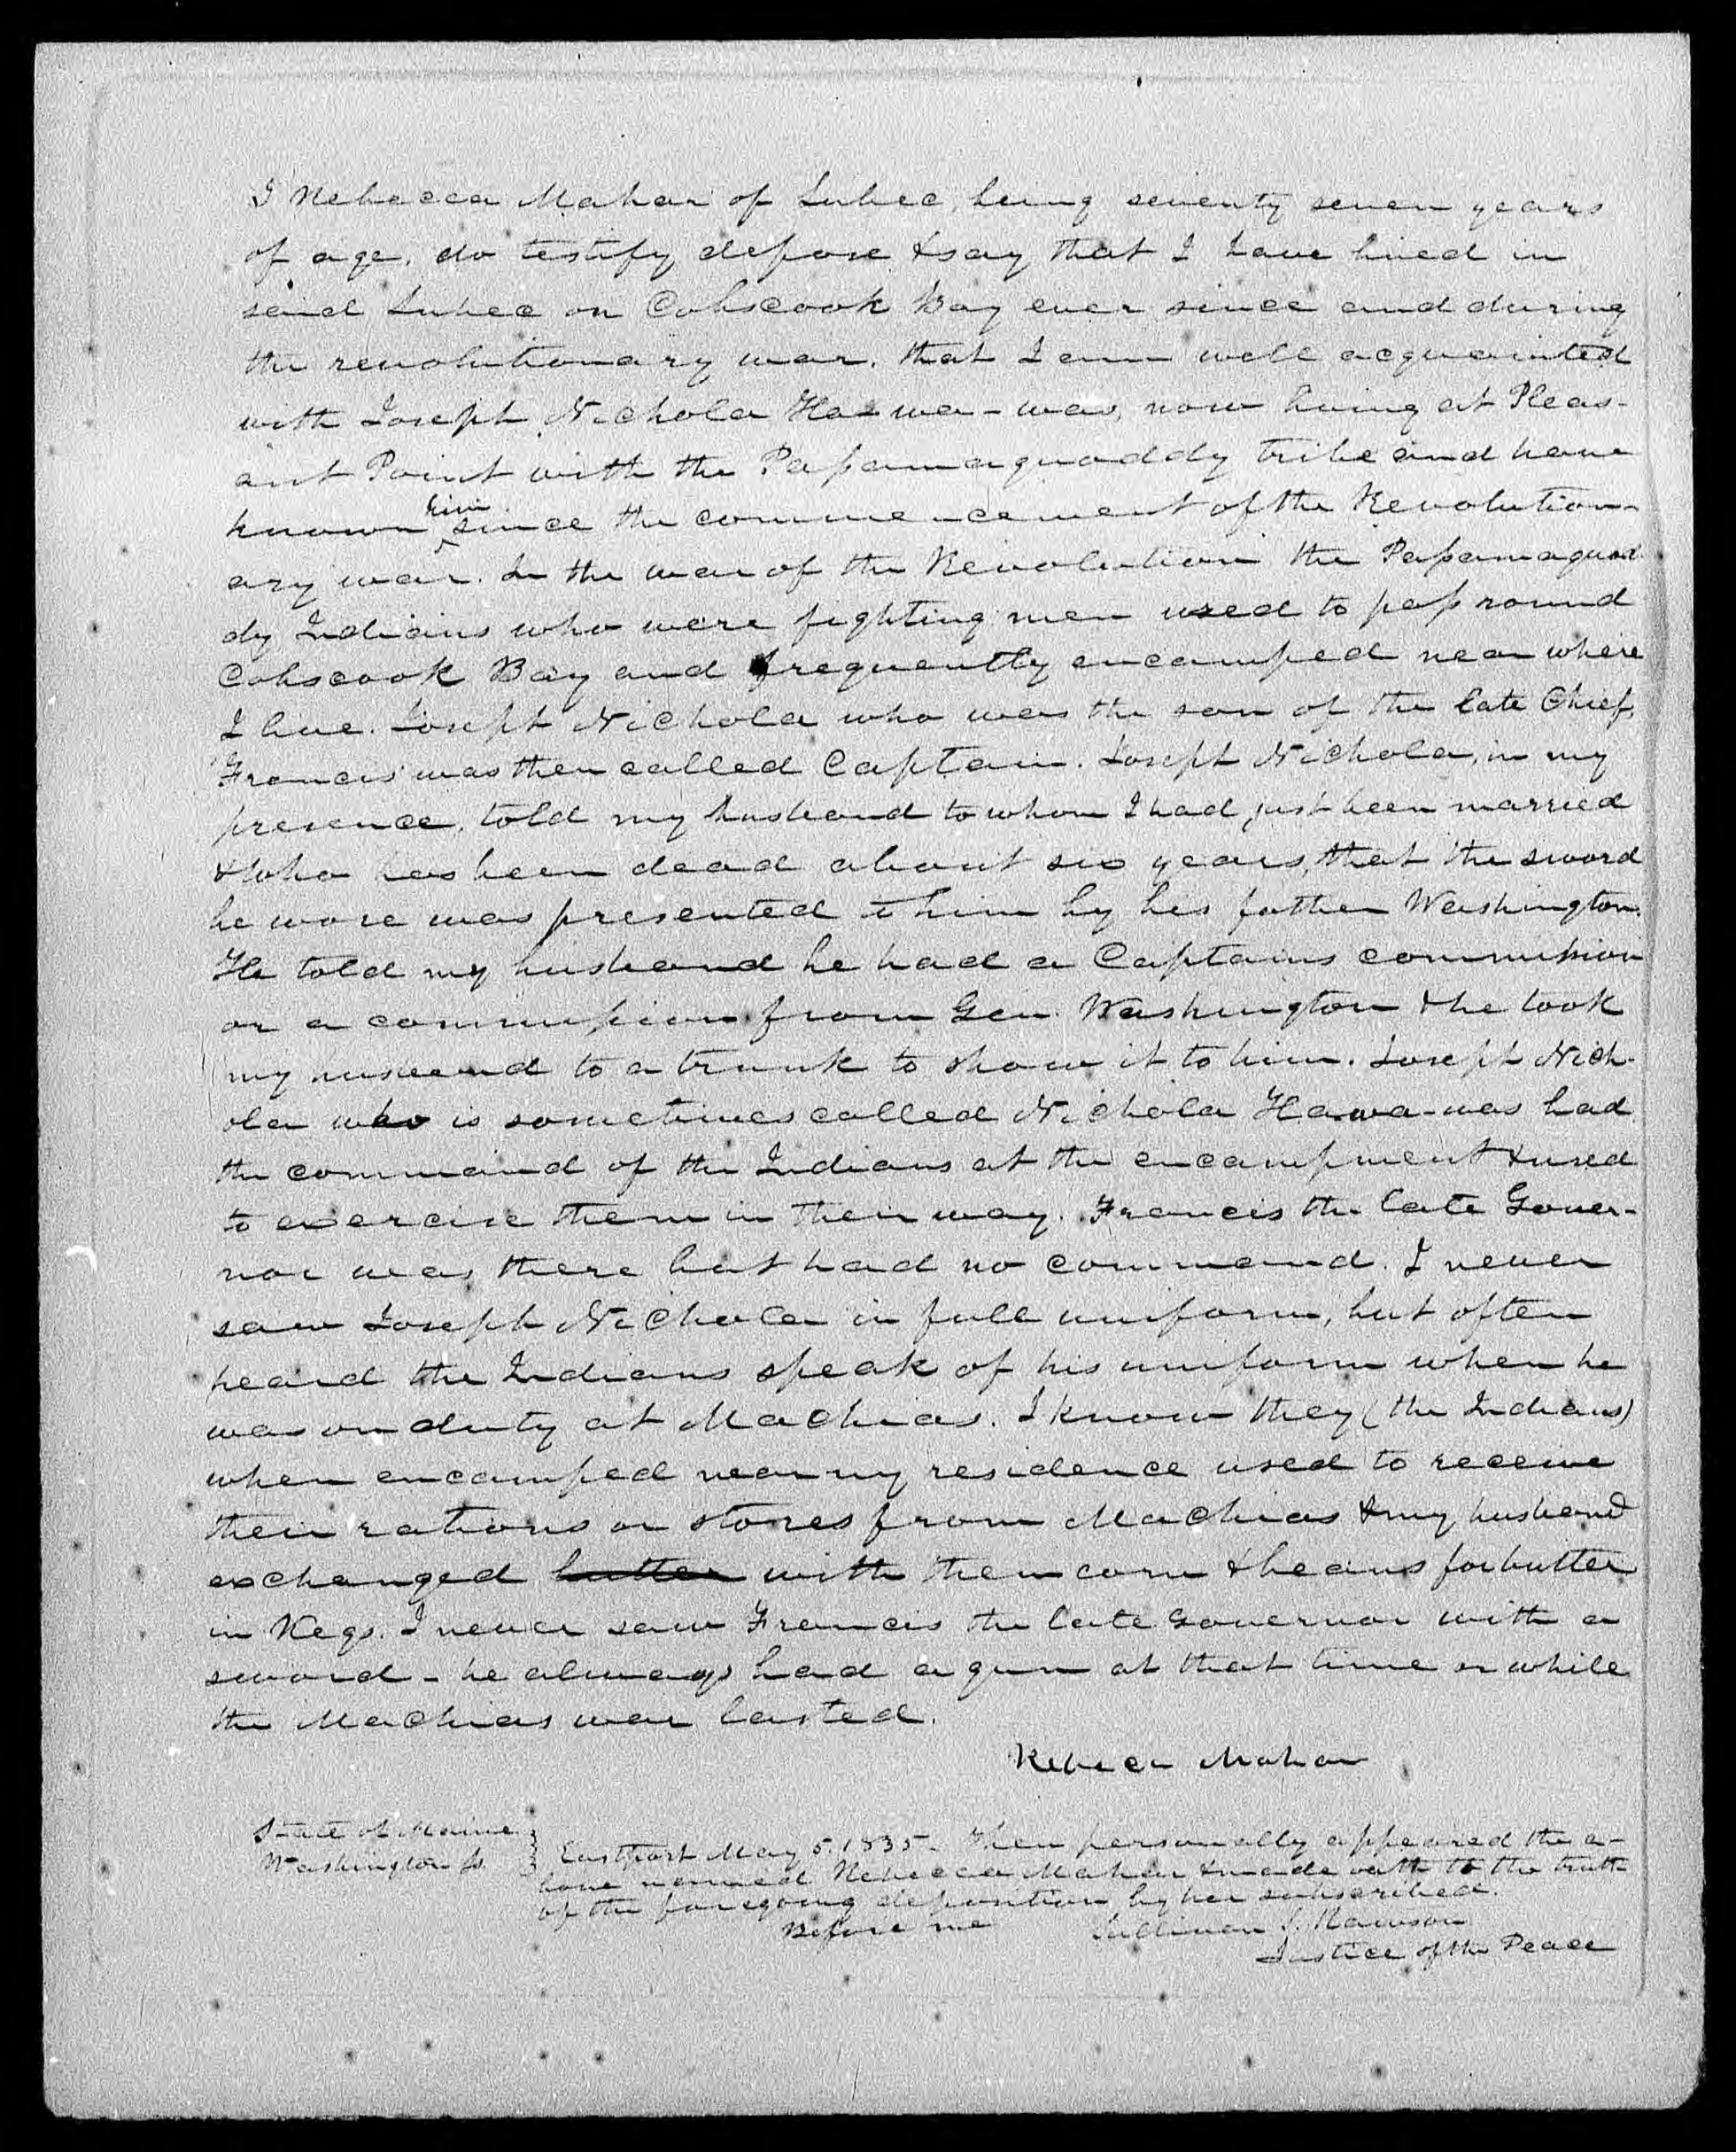I Rebecca Mahan of Lubec, being seventy seven years
of age, do testify before & say that I have lived in
said Lubec on Cobscook Bay ever since and during
the revolutionary war, & that I am well acquainted
with Joseph Nichola Ha-wa-was, now having at Pleas-
ant Point with the Passamaquoddy tribe and have
known him since the commencement of the Revolution-
ary war. In the war of the Revolution the Passamaquod
dy Indians who were fighting men used to pass round
Cobscook Bay and frequently encamped near where
I live. Joseph Nicholas who was the son of the late Chief,
Francis was then called Captain. Joseph Nochola, in my
presence, told my husband to whom I had just been married
& who has been dead about six years, that the sword
he wore was presented to him by his father Washington.
He told my husband he had a Captains commission
or a commission from Gen. Washington & he took
my husband to a trunk to show it to him. Joseph Nich-
ola who is sometimes called Nichola Ha-wa-was had
the command of the Indians at the encampment & used
to exercise them in their way. Francis the late Gover-
nor was there but had no command. I never
saw Joseph Nichola in full uniform when he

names: Francis, Sullivan S Rawson, Rebecca Mahar, Joseph Nichola, Joseph Nichola, Francis, Rebeca Mahar, Joseph Nichola, Nichola Hawawas, Joseph Nichola Hawawas, Francis, Rebecca Mahar, Washington, Joseph Nichola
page: 9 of 52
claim: survivor's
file: S 17997, Nicholas Hawwawas, Mass.